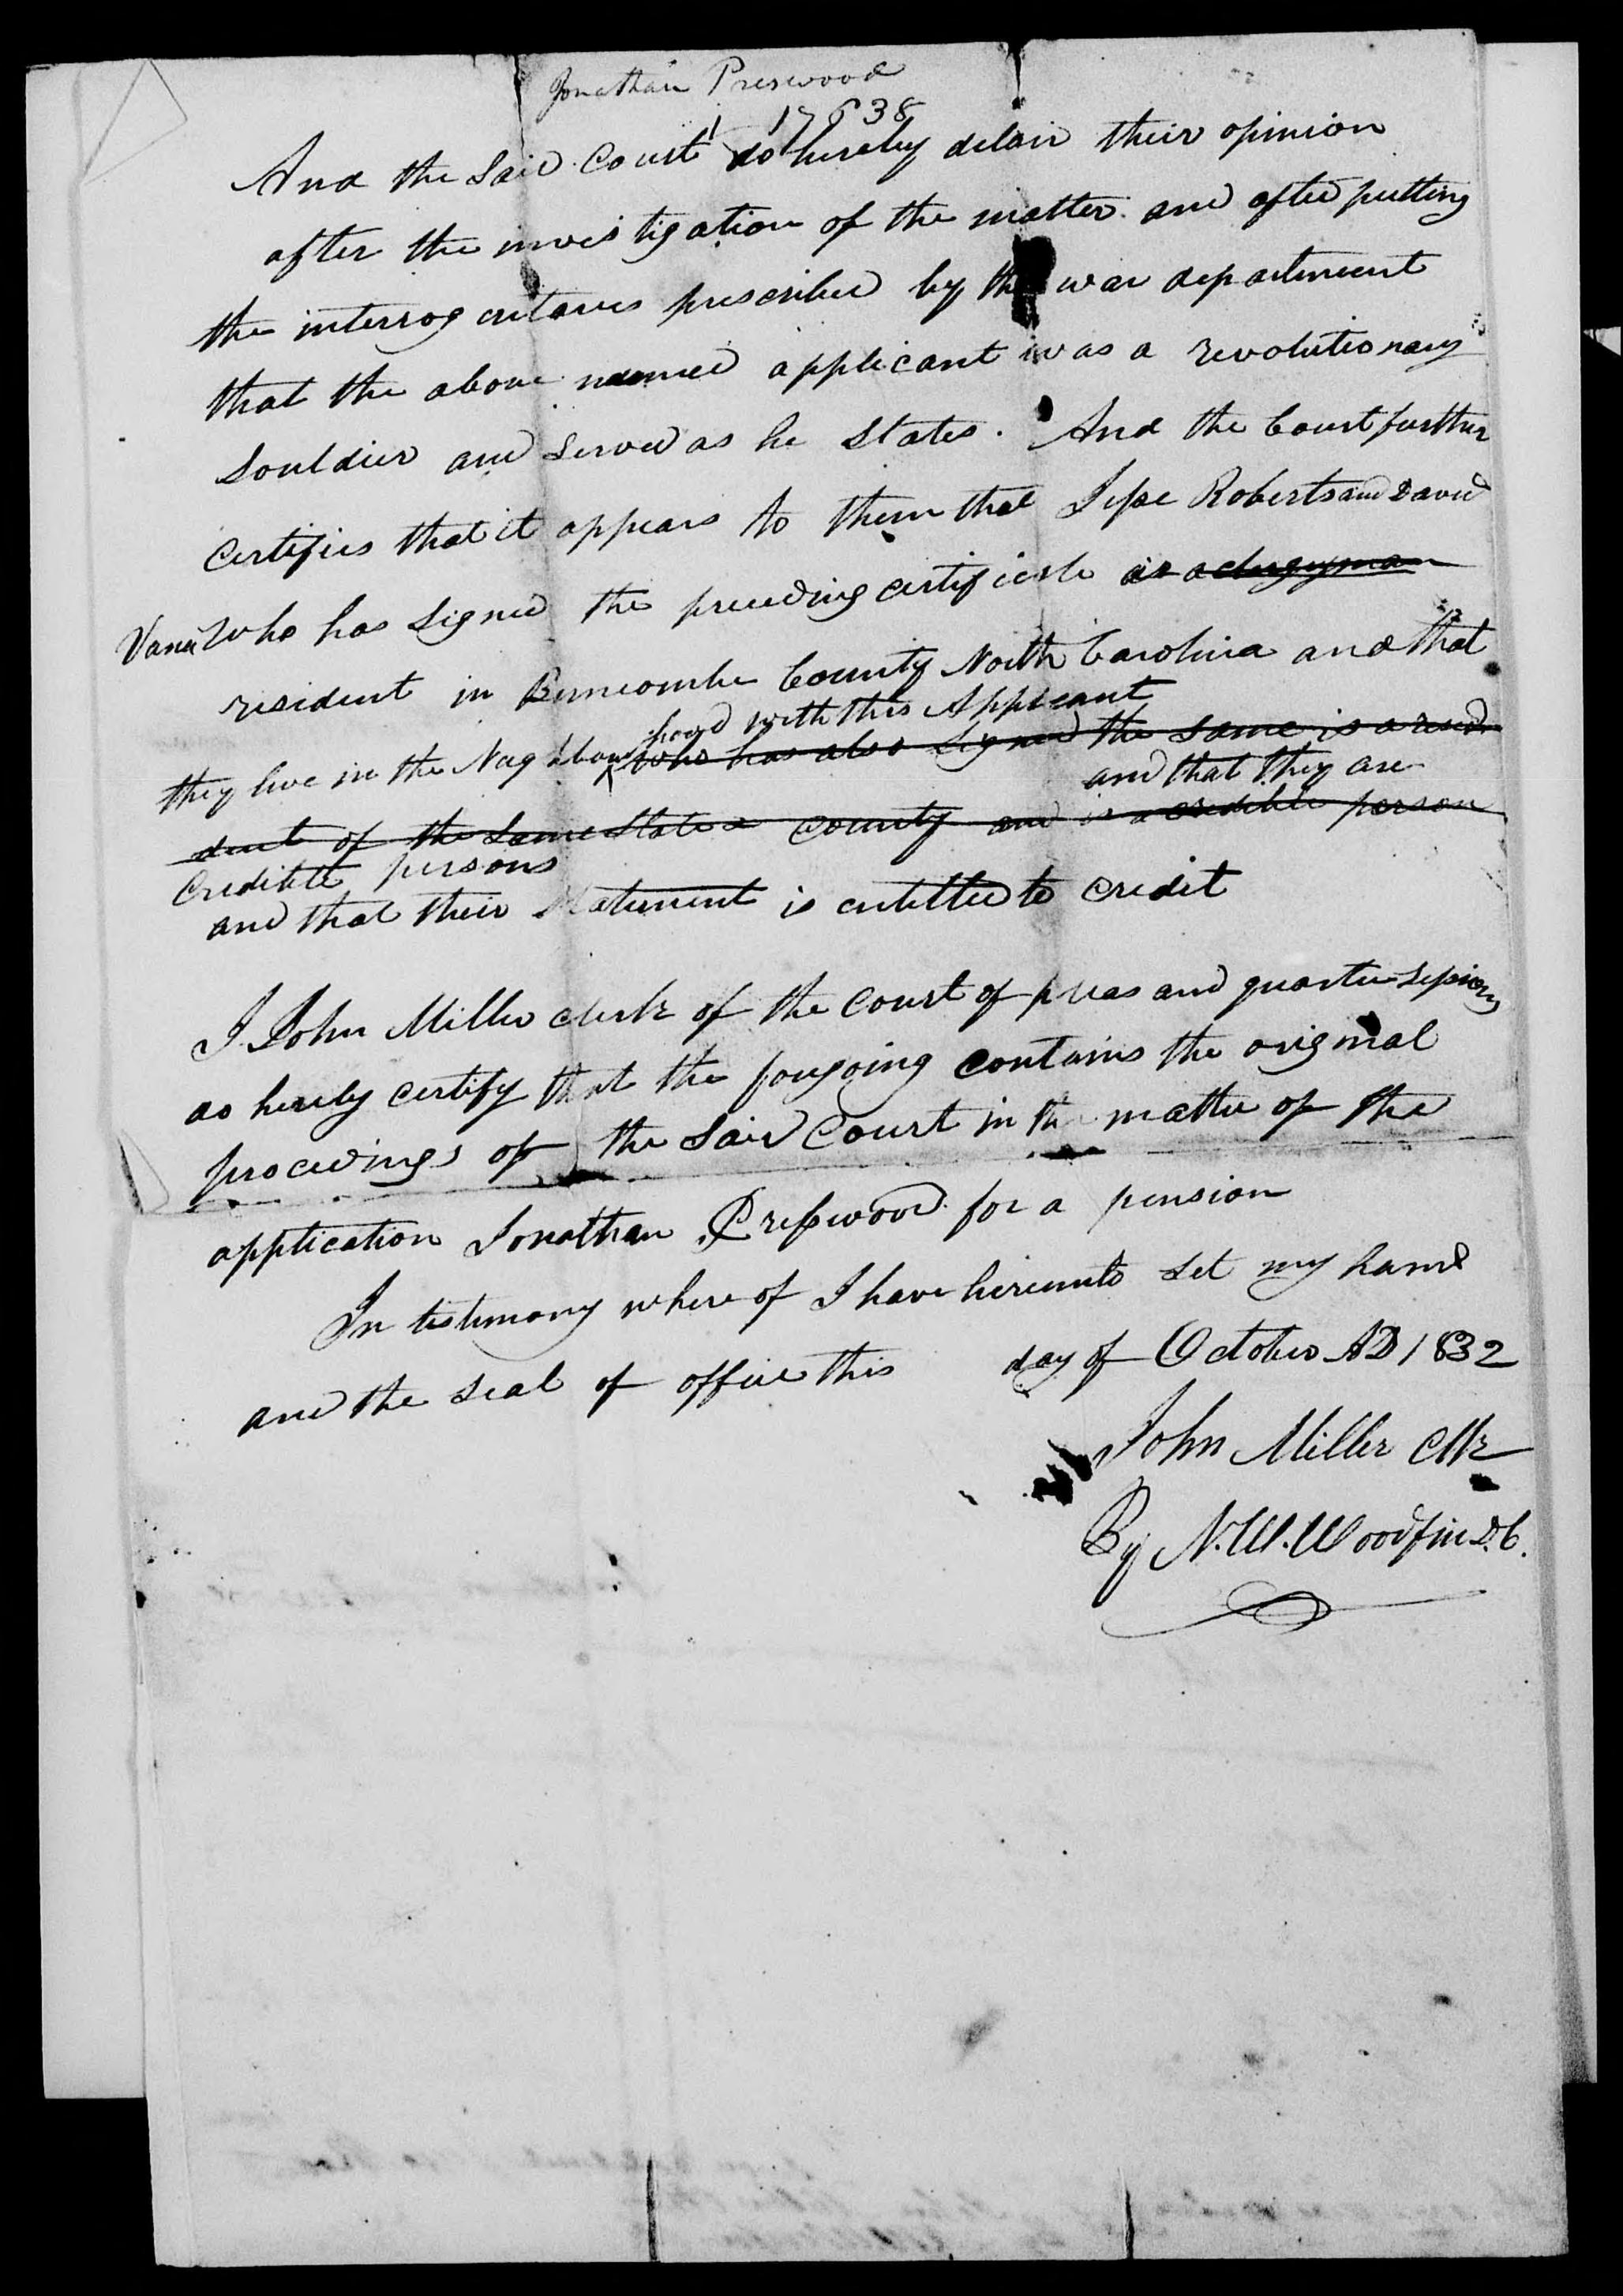Jonathan Prestwood 17538
And the said Court do hereby declare their opinion after the investigation of the matter and after putting the interrogatories presented by the war department that the above named applicant was a revolutionary Soldier and served as he states. And the Court further certifies that it appears to
them that Jesse Roberts and David  Vance who have signed the preceding certificate is a resident in Buncombe County North Carolina and that they live in the neighborhood with this Applicant and that they are credible persons and their statements are entitled to credit

I John Miller
Clerk of the Court of pleas and quarter Sessions do hereby certify that the foregoing contains the original proceedings of the said Court in the matter of the application Jonathan Prestwood for a
pension

In testimony whereof I have hereunto set my hand and the seal of office this - day of October AD 1832
John Miller Clk 
by N.W. Woodfin D.C.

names: Jesse Roberts; Jonathan Presswood; David Vance; Jonathan Preswood; N W Woodfin; John Miller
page: 8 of 13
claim: survivor's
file: S. 8,977, for Jonathan Prestwood, South Carolina